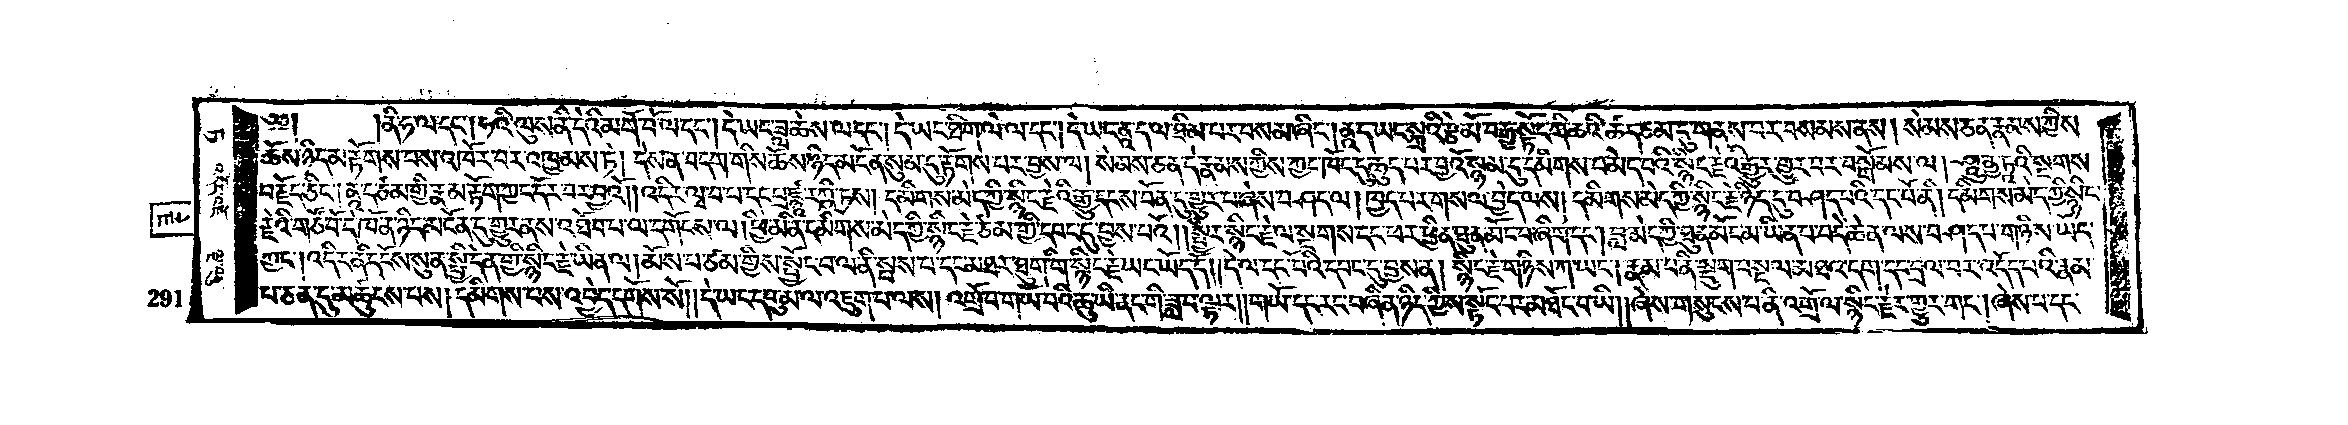༄༅། །ནི་ཧ་ལ་དང་། ཧའི་ལུས་ནི་དེའི་མགོ་བོ་ལ་དང་། དེ་ཡང་ཟླ་ཚེས་ལ་དང་། དེ་ཡང་ཐིག་ལེ་ལ་དང་། དེ་ཡང་ནཱ་ད་ལ་ཐིམ་པར་བསམ་ཞིང་། ནཱ་ད་ཡང་སྐྲའི་རྩེ་མོ་བརྒྱ་སྟོང་གི་ཆའི་ཚད་ཙམ་དུ་གནས་པར་བསམས་ནས། སེམས་ཅན་རྣམས་ཀྱིས་
ཆོས་ཉིད་མ་རྟོགས་པས་འཁོར་བར་འཁྱམས་ཏེ། དེས་ན་བདག་གིས་ཆོས་ཉིད་མངོན་སུམ་དུ་རྟོགས་པར་བྱས་ལ། སེམས་ཅན་དེ་རྣམས་ཀྱིས་ཀྱང་ཁོང་དུ་ཆུད་པར་བྱའོ་སྙམ་དུ་དམིགས་པ་མེད་པའི་སྙིང་རྗེའི་རྒྱུར་གྱུར་བར་བསྒོམས་ལ། ཤཱུ་ནྱ་ཏཱའི་སྔགས་
བརྗོད་ཅིང་། ནཱ་ད་ཙམ་གྱི་རྣམ་རྟོག་ཀྱང་དོར་བར་བྱའོ། །འདིར་ལྭ་བ་པ་དང་པྲཛྙཱ་རཀྵི་ཏས། དམིགས་མེད་ཀྱི་སྙིང་རྗེའི་རྒྱུ་དང་ས་བོན་དུ་གྱུར་པ་ཞེས་བཤད་ལ། ཁྱད་པར་གསལ་བྱེད་ལས། དམིགས་མེད་ཀྱི་སྙིང་རྗེ་ཉིད་དུ་བཤད་པའི་དང་པོ་ནི། དམིགས་མེད་ཀྱི་སྙིང་
རྗེའི་གཙོ་བོ་དེ་ཁོ་ན་ཉིད་མངོན་དུ་གྱུར་ནས་འཐོབ་པ་ལ་དགོངས་ལ། ཕྱི་མ་ནི་དམིགས་མེད་ཀྱི་སྙིང་རྗེ་ཙམ་གྱི་དབང་དུ་བྱས་པའོ། །སྤྱིར་སྙིང་རྗེ་ལ་སྔགས་དང་ཕར་ཕྱིན་ཐུན་མོང་བ་ཞིག་དང་། བླ་མེད་ཀྱི་ཐུན་མོང་མ་ཡིན་པ་བདེ་ཆེན་ལས་བཤད་པ་གཉིས་ཡོད་
ཀྱང་། འདིར་ནི་དངོས་སུ་ན་སྤྱི་དོན་གྱི་སྙིང་རྗེ་ཡིན་ལ། མོས་པ་ཙམ་གྱིས་སྦྱོང་བ་ལ་ནི་སྦས་པ་དང་མཐར་ཐུག་གི་སྙིང་རྗེ་ཡང་ཡོད་དོ། །དེ་ལ་དང་པོའི་དབང་དུ་བྱས་ན། སྙིང་རྗེ་གཉིས་ཀ་ཡང་། རྣམ་པ་ནི་སྡུག་བསྔལ་མཐའ་དག་དང་བྲལ་བར་འདོད་པའི་རྣམ་
པ་ཅན་དུ་མཚུངས་པས། དམིགས་པས་འབྱེད་དགོས་སོ། །དེ་ཡང་དབུ་མ་ལ་འཇུག་པ་ལས། འགྲོ་བ་གཡོ་བའི་ཆུ་ཡི་ནང་གི་ཟླ་བ་ལྟར། །གཡོ་དང་རང་བཞིན་ཉིད་ཀྱིས་སྟོང་པར་མཐོང་བ་ཡི། །ཞེས་གསུངས་པ་ནི་འགྲོ་ལ་སྙིང་རྗེར་གྱུར་གང་། ཞེས་པ་དང་